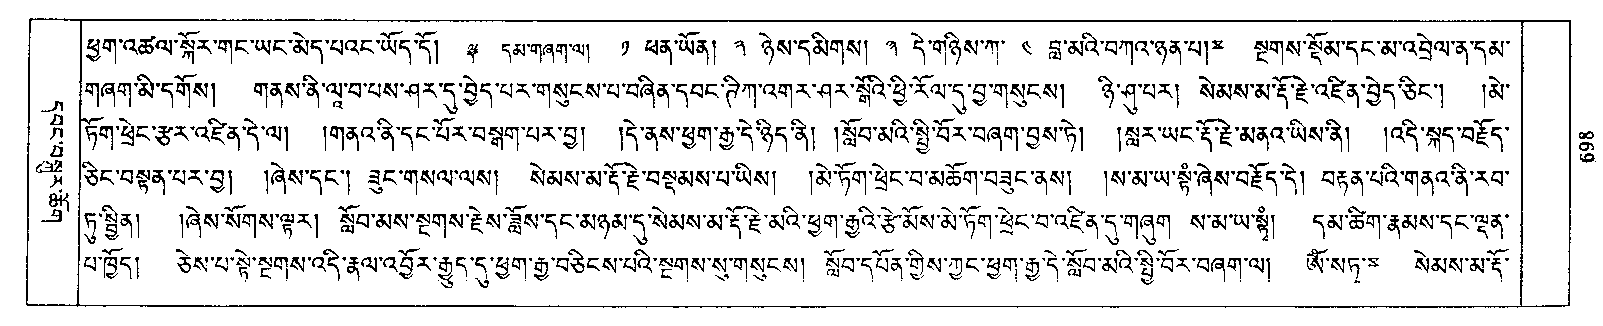ཕྱག་འཚལ་སྐོར་གང་ཡང་མེད་པའང་ཡོད་དོ། ༈ དམ་གཞག་ལ། ༡་ཕན་ཡོན། ༢་ཉེས་དམིགས། ༣་དེ་གཉིས་ཀ ༤་བླ་མའི་བཀའ་ཉན་པ། ྾་སྔགས་སྡོམ་དང་མ་འབྲེལ་ན་དམ་
གཞག་མི་དགོས། གནས་ནི་ལཱ་བ་པས་ཤར་དུ་བྱེད་པར་གསུངས་པ་བཞིན་དབང་ཊིཀ་འགར་ཤར་སྒོའི་ཕྱི་རོལ་དུ་བྱ་གསུངས། ཉི་ཤུ་པར། སེམས་མ་རྡོ་རྗེ་འཛིན་བྱེད་ཅིང་། །མེ་
ཏོག་ཕྲེང་རྩར་འཛིན་དེ་ལ། །གནའ་ནི་དང་པོར་བསྒག་པར་བྱ། །དེ་ནས་ཕྱག་རྒྱ་དེ་ཉིད་ནི། །སློབ་མའི་སྤྱི་བོར་བཞག་བྱས་ཏེ། །སླར་ཡང་རྡོ་རྗེ་མནའ་ཡིས་ནི། །འདི་སྐད་བརྗོད་
ཅིང་བསྟན་པར་བྱ། །ཞེས་དང་། ཟུང་གསལ་ལས། སེམས་མ་རྡོ་རྗེ་བསྡམས་པ་ཡིས། །མེ་ཏོག་ཕྲེང་བ་མཆོག་བཟུང་ནས། །ས་མ་ཡ་སྟཾ་ཞེས་བརྗོད་དེ། བརྟན་པའི་གནའ་ནི་རབ་
ཏུ་སྦྱིན། །ཞེས་སོགས་ལྟར། སློབ་མས་སྔགས་རྗེས་ཟློས་དང་མཉམ་དུ་སེམས་མ་རྡོ་རྗེ་མའི་ཕྱག་རྒྱའི་རྩེ་མོས་མེ་ཏོག་ཕྲེང་བ་འཛིན་དུ་གཞུག་ས་མ་ཡ་སྟྭཾ། དམ་ཚིག་རྣམས་དང་ལྡན་
པ་ཁྱོད། ཅེས་པ་སྟེ་སྔགས་འདི་རྣལ་འབྱོར་རྒྱུད་དུ་ཕྱག་རྒྱ་བཅིངས་པའི་སྔགས་སུ་གསུངས། སློབ་དཔོན་གྱིས་ཀྱང་ཕྱག་རྒྱ་དེ་སློབ་མའི་སྤྱི་བོར་བཞག་ལ། ཨོཾ་སཏྭ་྾་སེམས་མ་རྡོ་